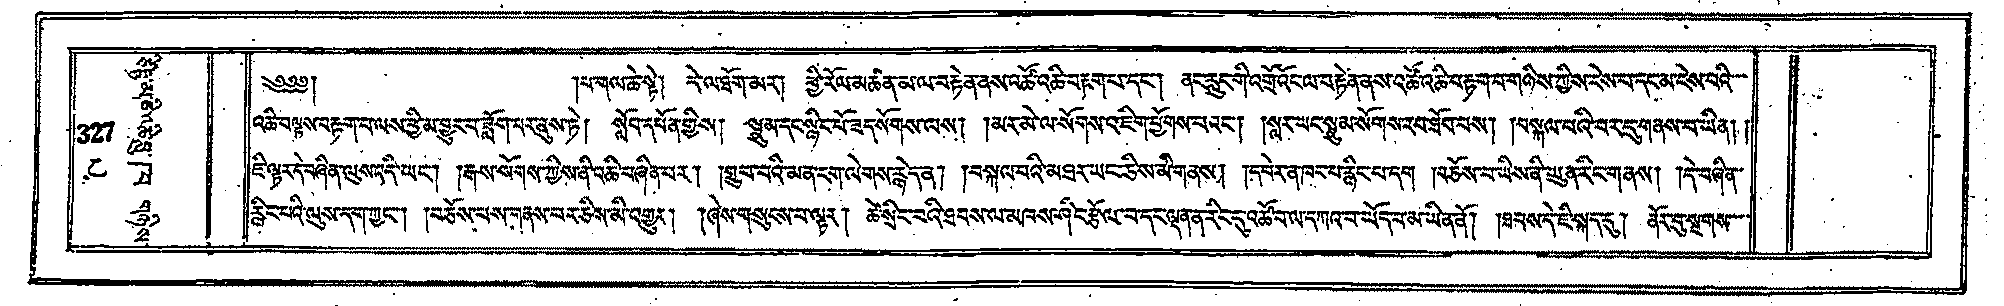༄༅༅། །པ་གལ་ཆེ་སྟེ། དེ་ལ་ཐོག་མར། ཕྱི་རོལ་མཚན་མ་ལ་བརྟེན་ནས་འཚོ་འཆི་བརྟག་པ་དང་། ནང་རླུང་གི་འགྲོ་འོང་ལ་བརྟེན་ནས་འཚོ་འཆི་བརྟག་པ་གཉིས་ཀྱིས་ངེས་པ་དང་མ་ངེས་པའི་་་
འཆི་བལྟས་བརྟག་པ་ལས་ཕྱི་མ་བྱུང་བ་ཟློག་པར་ནུས་ཏེ། སློབ་དཔོན་གྱིས། སྣུམ་དང་སྙིང་པོ་ཟད་སོགས་ལས། །མར་མེ་ལ་སོགས་འཇིག་ཕྱོགས་པའང་། །སླར་ཡང་སྣུམ་སོགས་རབ་ཐོབ་པས། །བསྐལ་པའི་བར་དུ་གནས་པ་ཡིན། །
ཇི་ལྟར་དེ་བཞིན་ལུས་འདི་ཡང་། །རྒས་སོགས་ཀྱིས་ནི་འཆི་བཞིན་པར། །གྲུབ་པའི་མན་ངག་ལེགས་རྙེད་ན། །བསྐལ་པའི་མཐར་ཡང་ཅིས་མི་གནས། །དཔེར་ན་ཁང་པ་རྙིང་པ་དག །བཅོས་པ་ཡིས་ནི་ཡུན་རིང་གནས། །དེ་བཞིན་་་
རྙིང་པའི་ལུས་དག་ཀྱང་། །བཅོས་པས་གནས་པར་ཅིས་མི་འགྱུར། །ཞེས་གསུངས་པ་ལྟར། ཚེ་སྲིང་བའི་ཐབས་ལ་མཁས་ཤིང་རྩོལ་བ་དང་ལྡན་ན་རིང་དུ་འཚོ་བ་ལ་དཀའ་བ་ཡོད་པ་མ་ཡིན་ནོ། །ཐབས་དེ་ཇི་སྐད་དུ། ནོར་བུ་སྔགས་་་